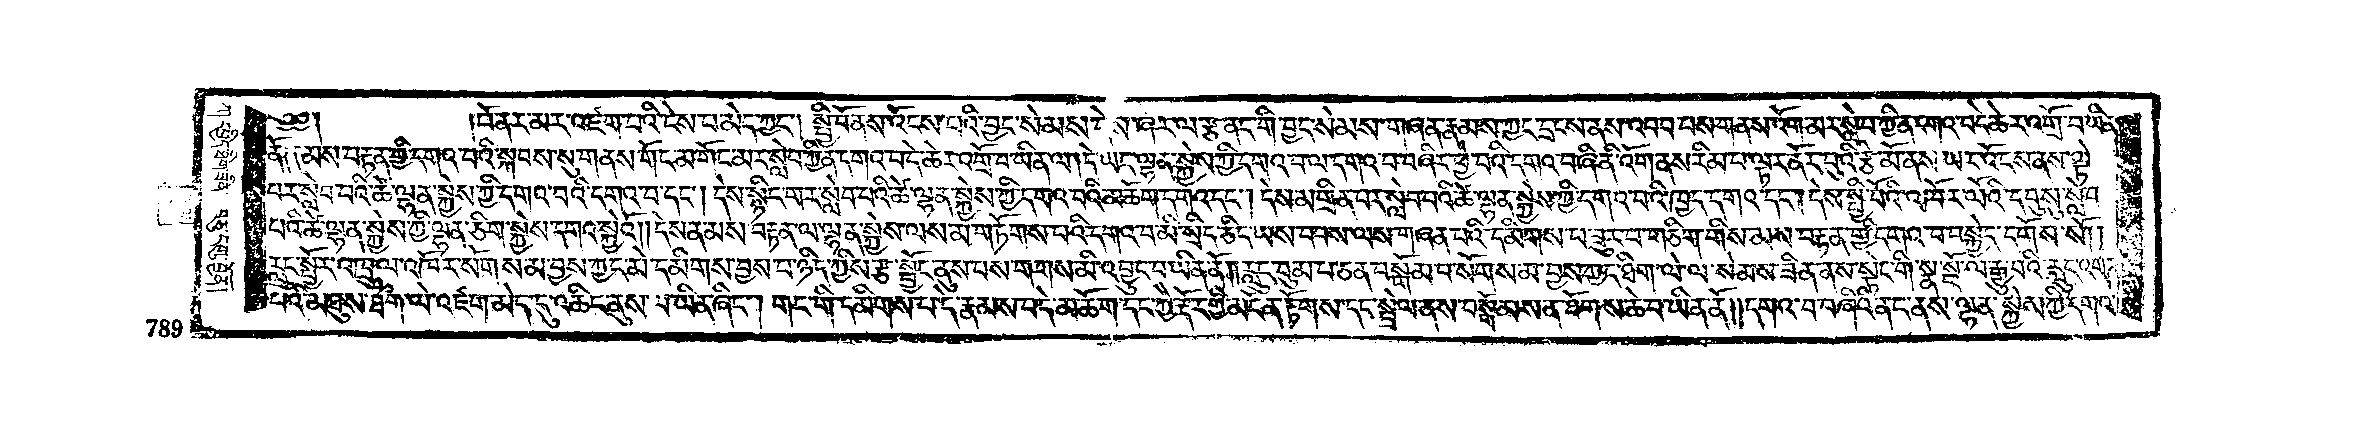༄༅། །པོ་ནར་མར་འཛག་པའི་ངེས་པ་མེད་ཀྱང་། སྤྱི་བོ་ནས་འོངས་པའི་བྱང་སེམས་དེས་ཞར་ལ་རྩ་ནང་གི་བྱང་སེམས་གཞན་རྣམས་ཀྱང་དྲངས་ནས་འབབ་པས་གནས་འོག་མར་སླེབ་ཀྱི་ན་དགའ་བདེ་ཆེར་འགྲོ་བ་ཡིན་
ནོ༑ ༑མས་བརྟན་གྱི་དགའ་བའི་སྐབས་སུ་གནས་གོང་མ་གོང་མར་སླེབ་ཀྱི་ན་དགའ་བདེ་ཆེར་འགྲོ་བ་ཡིན་ལ། དེ་ཡང་ལྷན་སྐྱེས་ཀྱི་དགའ་བ་ལ་དགའ་བ་བཞིར་ཕྱེ་བའི་དགའ་བཞི་ནི་འོག་ནས་རིམ་པ་ལྟར་ནོར་བུའི་རྩེ་མོ་ནས་ཡར་འོངས་ནས་ལྟེ་
བར་སླེབ་པའི་ཚེ་ལྷན་སྐྱེས་ཀྱི་དགའ་བའི་དགའ་བ་དང་། དེས་སྙིང་གར་སླེབ་པའི་ཚེ་ལྷན་སྐྱེས་ཀྱི་དགའ་བའི་མཆོག་དགའ་དང་། དེས་མགྲིན་པར་སླེབ་པའི་ཚེ་ལྷན་སྐྱེས་ཀྱི་དགའ་བའི་ཁྱད་དགའ་དང་། དེས་སྤྱི་བོའི་འཁོར་ལོའི་དབུས་སུ་སློབ་
པའི་ཚེ་ལྷན་སྐྱེས་ཀྱི་ལྷན་ཅིག་སྐྱེས་དགའ་སྐྱེའོ། །དེས་ན་མས་བརྟན་ལ་ལྷན་སྐྱེས་ལས་མ་གཏོགས་པའི་དགའ་བ་མི་སྲིད་ཅིང་ཡས་བབས་ལས་གཞན་པའི་དམིགས་པ་ཟུར་བ་གཅིག་གིས་མས་བརྟན་གྱི་དགའ་བ་བསྐྱེད་དགོས་སོ། །
རླུང་སྦྱོར་འཁྲུལ་འཁོར་སོགས་མ་བྱས་ཀྱང་མེ་དམིགས་བྱས་པ་ཉིད་ཀྱིས་རྩ་སྦྱོང་ནུས་པས་གགས་མི་འབྱུང་བ་ཡིན་ནོ། །རླུང་བུམ་པ་ཅན་བསྒོམ་པ་སོགས་མ་བྱས་ཀྱང་ཐིག་ལེ་ལ་སེམས་ཟིན་ནས་སྟེང་གི་སྣ་སྔོ་ལ་རྒྱུ་བའི་རླུང་འགགས་
པའི་མཐུས་ཐིག་ལེ་འཛག་མེད་དུ་འཆིང་ནུས་པ་ཡིན་ཞིང་། གང་གི་དམིགས་པ་དེ་རྣམས་བདེ་མཆོག་དང་ཀྱཻ་རྡོར་གྱི་མངོན་རྟོགས་དང་སྦྲེལ་ནས་བསྒོམས་ནས་ཐོགས་ཆེ་བ་ཡིན་ནོ། །དགའ་བ་བཞིའི་ནང་ནས་ལྷན་སྐྱེས་ཀྱི་དགའ་